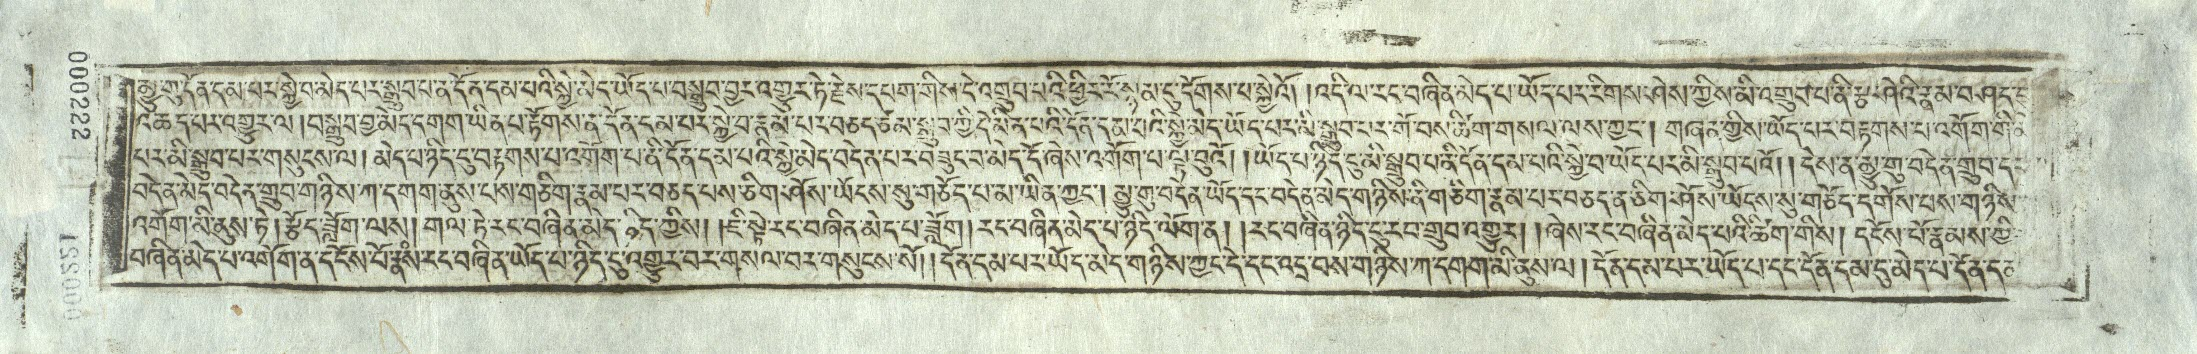མྱུ་གུ་དོན་དམ་པར་སྐྱེ་བ་མེད་པར་སྒྲུབ་པ་ན་དོན་དམ་པའི་སྐྱེ་མེད་ཡོད་པ་བསྒྲུབ་བྱར་འགྱུར་ཏེ་རྗེས་དཔག་གིས་དེ་འགྲུབ་པའི་ཕྱིར་རོ་སྙམ་དུ་དོགས་པ་སྐྱེའོ། །འདི་ལ་རང་བཞིན་མེད་པ་ཡོད་པར་རིགས་ཤེས་ཀྱིས་མི་འགྲུབ་པ་ནི་རྩ་ཤེའི་རྣམ་བཤད་དུ་
འཆད་པར་འགྱུར་ལ། བསྒྲུབ་བྱ་མེད་དགག་ཡིན་པ་རྟོགས་ན་དོན་དམ་པར་སྐྱེ་བ་རྣམ་པར་བཅད་ཙམ་སྒྲུབ་ཀྱི་དེ་མིན་པའི་དོན་དམ་པའི་སྐྱེ་མེད་ཡོད་པར་མི་སྒྲུབ་པར་གོ་བས་ཚིག་གསལ་ལས་ཀྱང་། གཞན་གྱིས་ཡོད་པར་བརྟགས་པ་འགོག་གི་མེད་
པར་མི་སྒྲུབ་པར་གསུངས་ལ། མེད་པ་ཉིད་དུ་བརྟགས་པ་འགོག་པ་ནི་དོན་དམ་པའི་སྐྱེ་མེད་བདེན་པར་བཟུང་བ་མེད་དོ་ཞེས་འགོག་པ་ལྟ་བུའོ། །ཡོད་པ་ཉིད་དུ་མི་སྒྲུབ་པ་ནི་དོན་དམ་པའི་སྐྱེ་བ་ཡོད་པར་མི་སྒྲུབ་པའོ། །དེས་ན་མྱུ་གུ་བདེན་གྲུབ་དང་
བདེན་མེད་བདེན་གྲུབ་གཉིས་ཀ་དགག་ནུས་པས་གཅིག་རྣམ་པར་བཅད་པས་ཅིག་ཤོས་ཡོངས་སུ་གཅོད་པ་མ་ཡིན་ཀྱང་། མྱུ་གུ་བདེན་ཡོད་དང་བདེན་མེད་གཉིས་ནི་གཅིག་རྣམ་པར་བཅད་ན་ཅིག་ཤོས་ཡོངས་སུ་གཅོད་དགོས་པས་གཉིས་ཀ་
འགོག་མི་ནུས་ཏེ། རྩོད་ཟློག་ལས། གལ་ཏེ་རང་བཞིན་མེད་ཉིད་ཀྱིས། །ཇི་སྟེ་རང་བཞིན་མེད་པ་ཟློག །རང་བཞིན་མེད་པ་ཉིད་ལོག་ན། །རང་བཞིན་ཉིད་དུ་རབ་གྲུབ་འགྱུར། །ཞེས་རང་བཞིན་མེད་པའི་ཚིག་གིས། དངོས་པོ་རྣམས་ཀྱི་རང་
བཞིན་མེད་པ་འགོག་ན་དངོས་པོ་རྣམས་རང་བཞིན་ཡོད་པ་ཉིད་དུ་འགྱུར་བར་གསལ་བར་གསུངས་སོ། །དོན་དམ་པར་ཡོད་མེད་གཉིས་ཀྱང་དེ་དང་འདྲ་བས་གཉིས་ཀ་དགག་མི་ནུས་ལ། དོན་དམ་པར་ཡོད་པ་དང་དོན་དམ་དུ་མེད་པ་དོན་དམ་དུ་